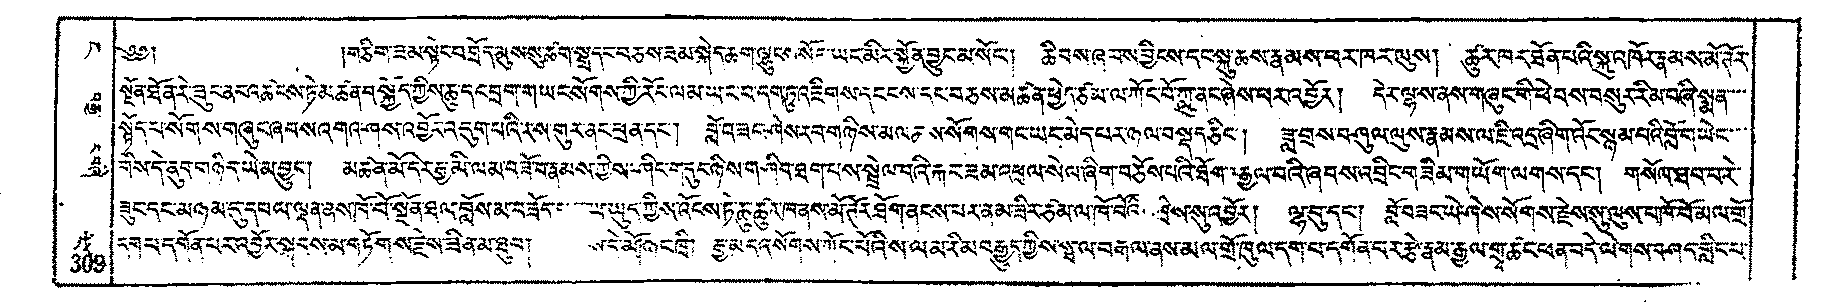༄༅། །གཅིག་ཟམ་སྟེང་བགྲོད་མུས་སུ་ཚག་སྒྲ་དང་བཅས་ཟམ་སྐེད་ཆག་ལྷུངས་སོང་ཡང་མིར་སྐྱོན་བྱུང་མ་སོང་། ཆིབས་ཞབས་བྱིངས་དང་སྐུ་ཆས་རྣམས་ཕར་ཁར་ལུས། ཚུར་ཁར་ཐོན་པའི་སྐུ་འཁོར་རྣམས་མོ་ཊོར་
སྔོན་ཐོན་རེ་ཟུང་ནང་འཚངས་ཏེ་མཚན་བསྐྱོད་ཀྱིས་ཆུ་དང་བྲག་གཡང་སོགས་ཀྱི་རོང་ལམ་ཡང་བདག་ཏུ་འཇིགས་དངངས་དང་བཅས་མཚན་ཕྱེད་ཙམ་ལ་ཀོང་པོ་ཀླུ་ནང་ཞེས་ཕར་འབྱོར། དེར་ལྷས་ནས་གཞུང་གི་ཕེབས་བསུར་རིམ་བཞི་སྨན་
སྟོད་པ་སོགས་གཞུང་ཞབས་འགའ་ཤས་འབྱོར་འདུག་པའི་རས་གུར་ནང་ཕྲན་དང་། བློ་བཟང་ཤེས་རབ་གཉིས་མལ་ཆས་སོགས་གང་ཡང་མེད་པར་ཉལ་བསྡད་ཅིང་། ཟླ་གྲས་བཤུལ་ལུས་རྣམས་ལ་ཇི་འདྲ་ཞིག་འོང་སྙམ་པའི་བློ་གཡེང་
གིས་དེ་ནུབ་གཉིད་ཡེ་མ་བྱུང་། མཚན་མོ་དེར་རྒྱ་མི་ལམ་བཟོ་བ་རྣམས་ཀྱིས་ཤིང་གདུང་ཉིས་གཤིབ་ཐག་པས་སྦྲེལ་བའི་རྐང་ཟམ་འཕྲལ་སེལ་ཞིག་བཅོས་པའི་ཐོག་༧རྒྱལ་བའི་ཞབས་འབྲིང་གཟིམ་གཡོག་ལགས་དང་། གསོལ་ཐབ་པ་རེ་
ཟུང་དང་མཉམ་དུ་དཔལ་ལྡན་ནས་ཁོ་བོ་སྔོན་ཐལ་བློས་མ་བཟོད་པར་ཡ་ཡུད་ཀྱིས་འོངས་ཏེ་ཆུ་ཚུར་ཁ་ནས་མོ་ཊོར་ཐོག་ནངས་པར་ནམ་ཟིར་ཙམ་ལ་ཁོ་བོའི་འབྲིས་སུ་འབྱོར། ལྷ་བུ་དང་། བློ་བཟང་ཡེ་ཤེས་སོགས་རྗེས་སུ་ལུས་པ་ཁོ་བོ་མལ་གྲོ་
དག་པ་དགོན་པར་འབྱོར་སྐབས་མ་གཏོགས་རྗེས་ཟིན་མ་ཐུབ། དེ་ནས་དེ་མོ། ཉང་ཁྲི། རྒྱ་མདའ་སོགས་ཀོང་པོའི་ས་ལམ་རིམ་བརྒྱུད་ཀྱིས་སྦ་ལ་བརྒལ་ནས་མལ་གྲོ་ཁུལ་དག་པ་དགོན་པར་རྩེ་རྣམ་རྒྱལ་གྲྭ་ཚང་ཕན་བདེ་ལེགས་བཤད་གླིང་པ་